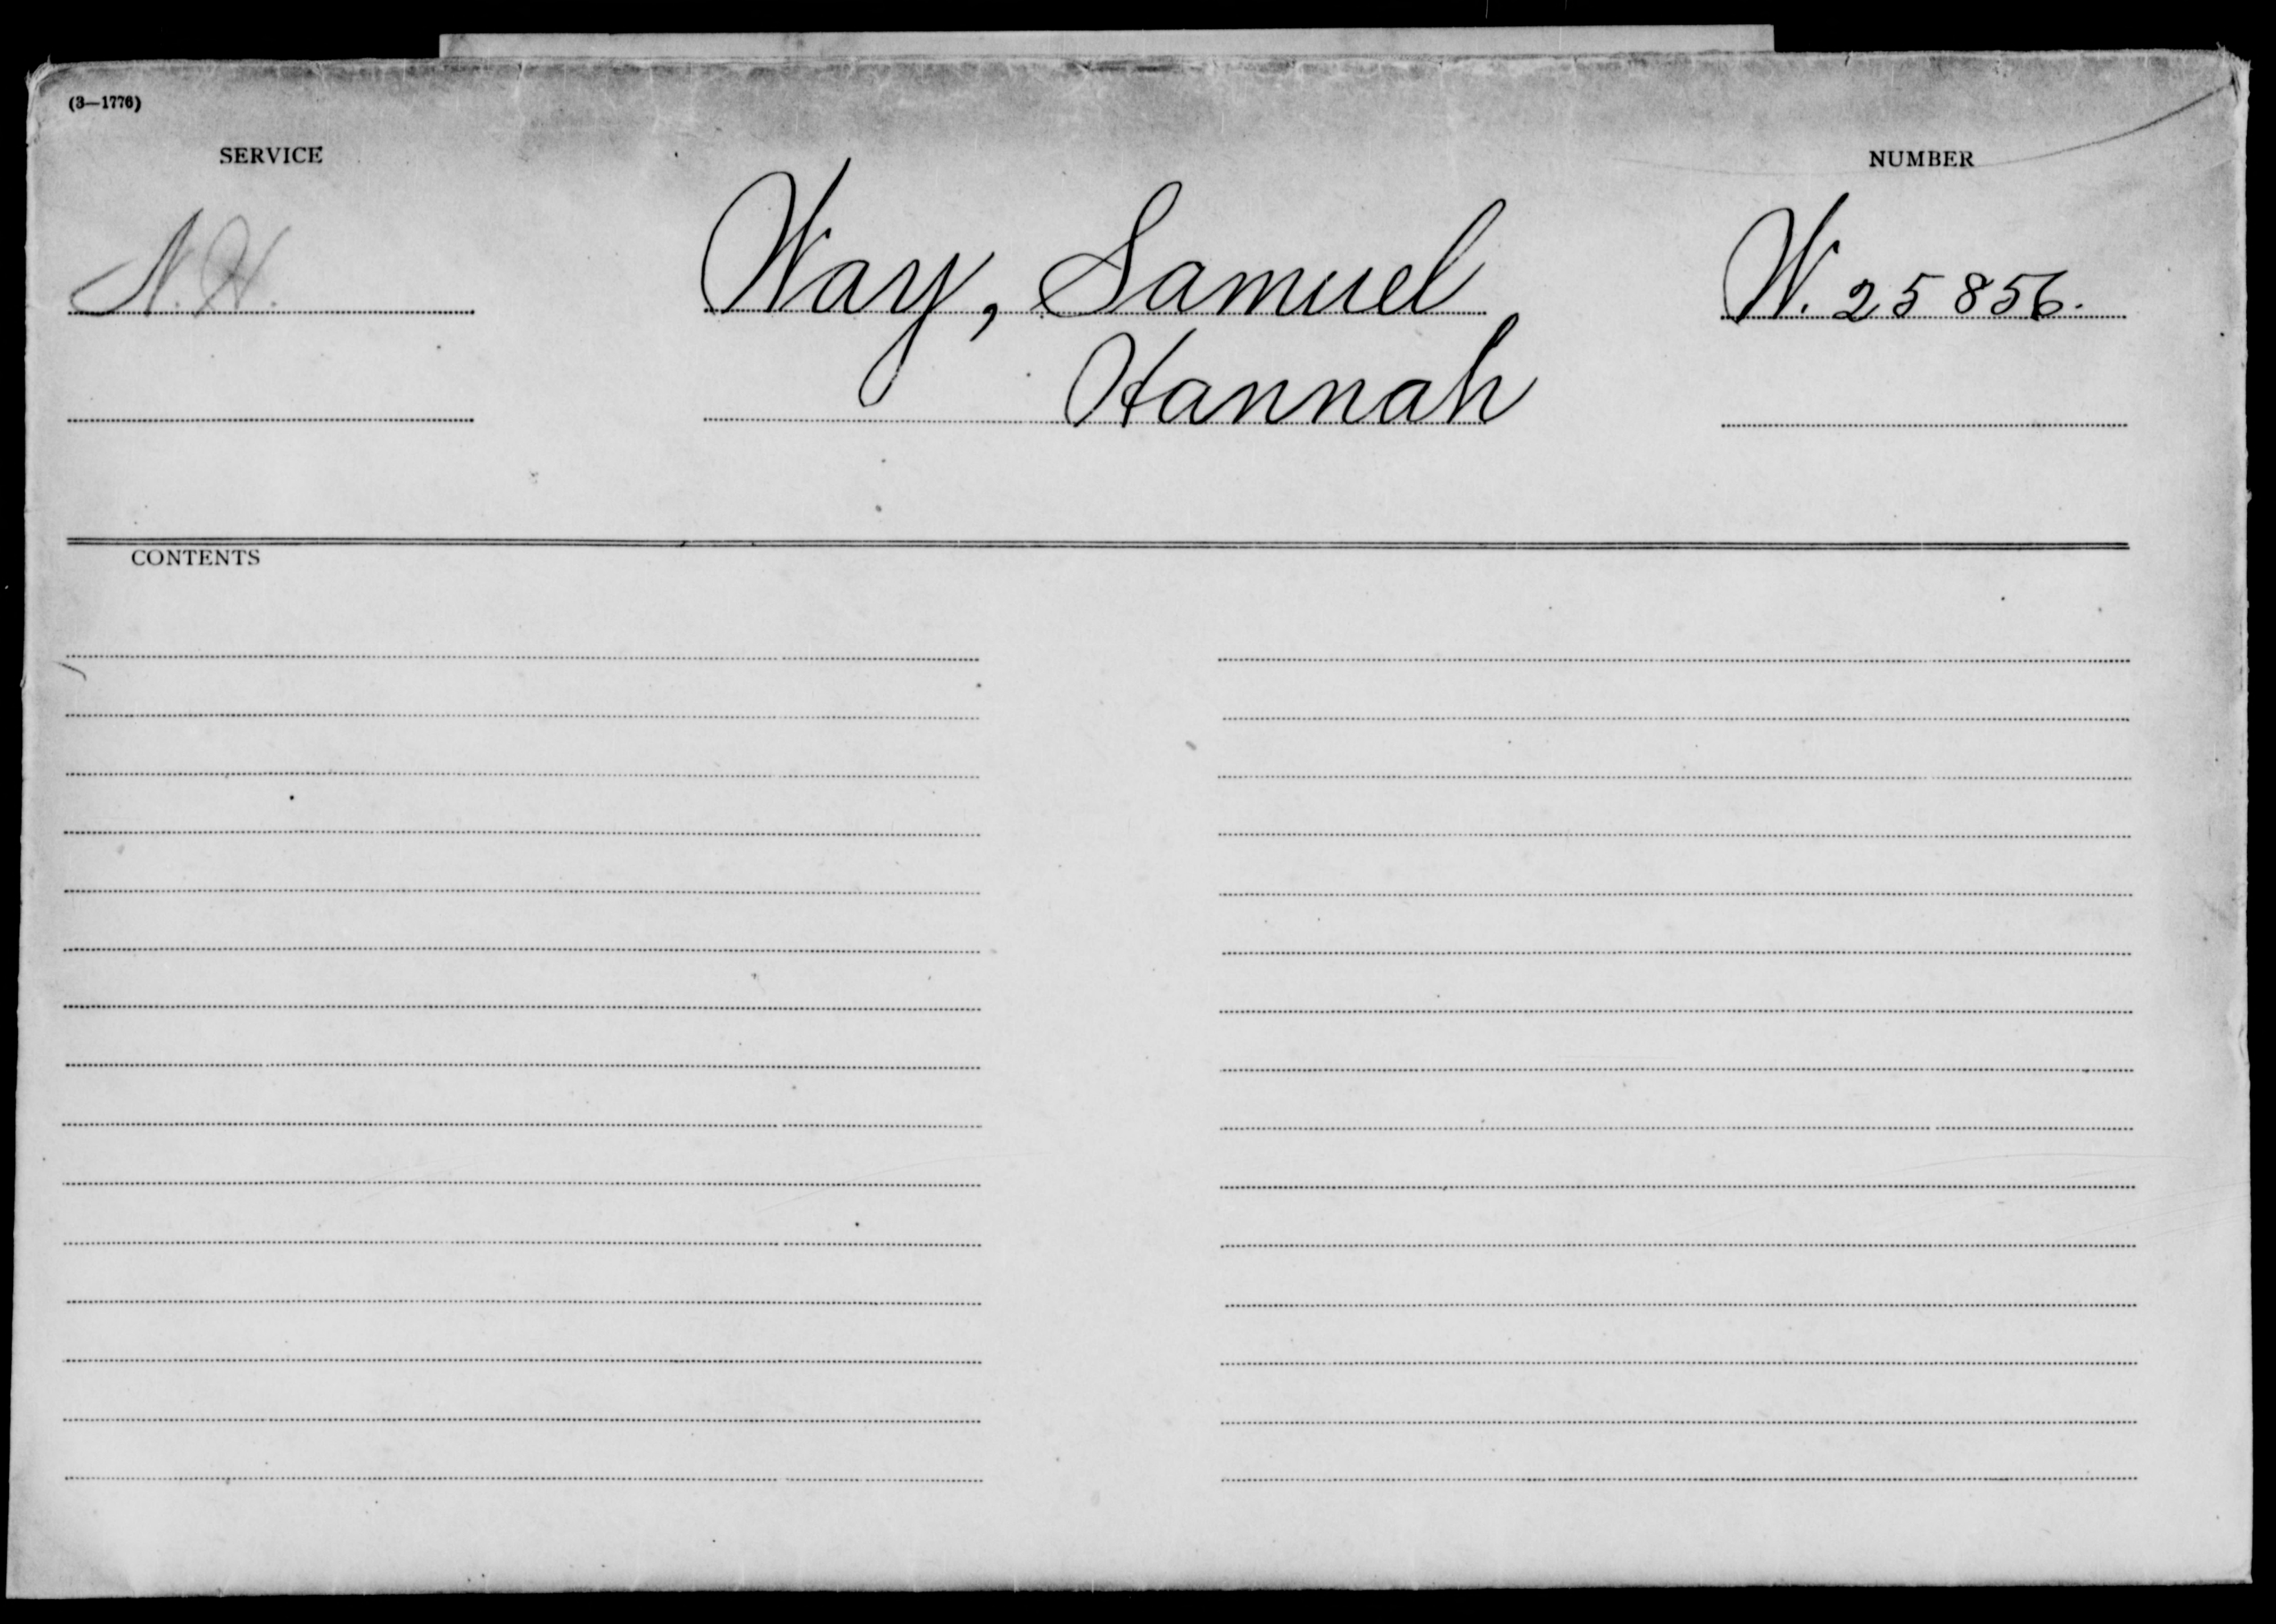(3-1776)
SERVICE
NUMBER
N.H.
Way, Samuel
W. 25856
Hannah
Contents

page: 1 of 78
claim: widow's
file: W. 25856, Samuel Way, N.H.